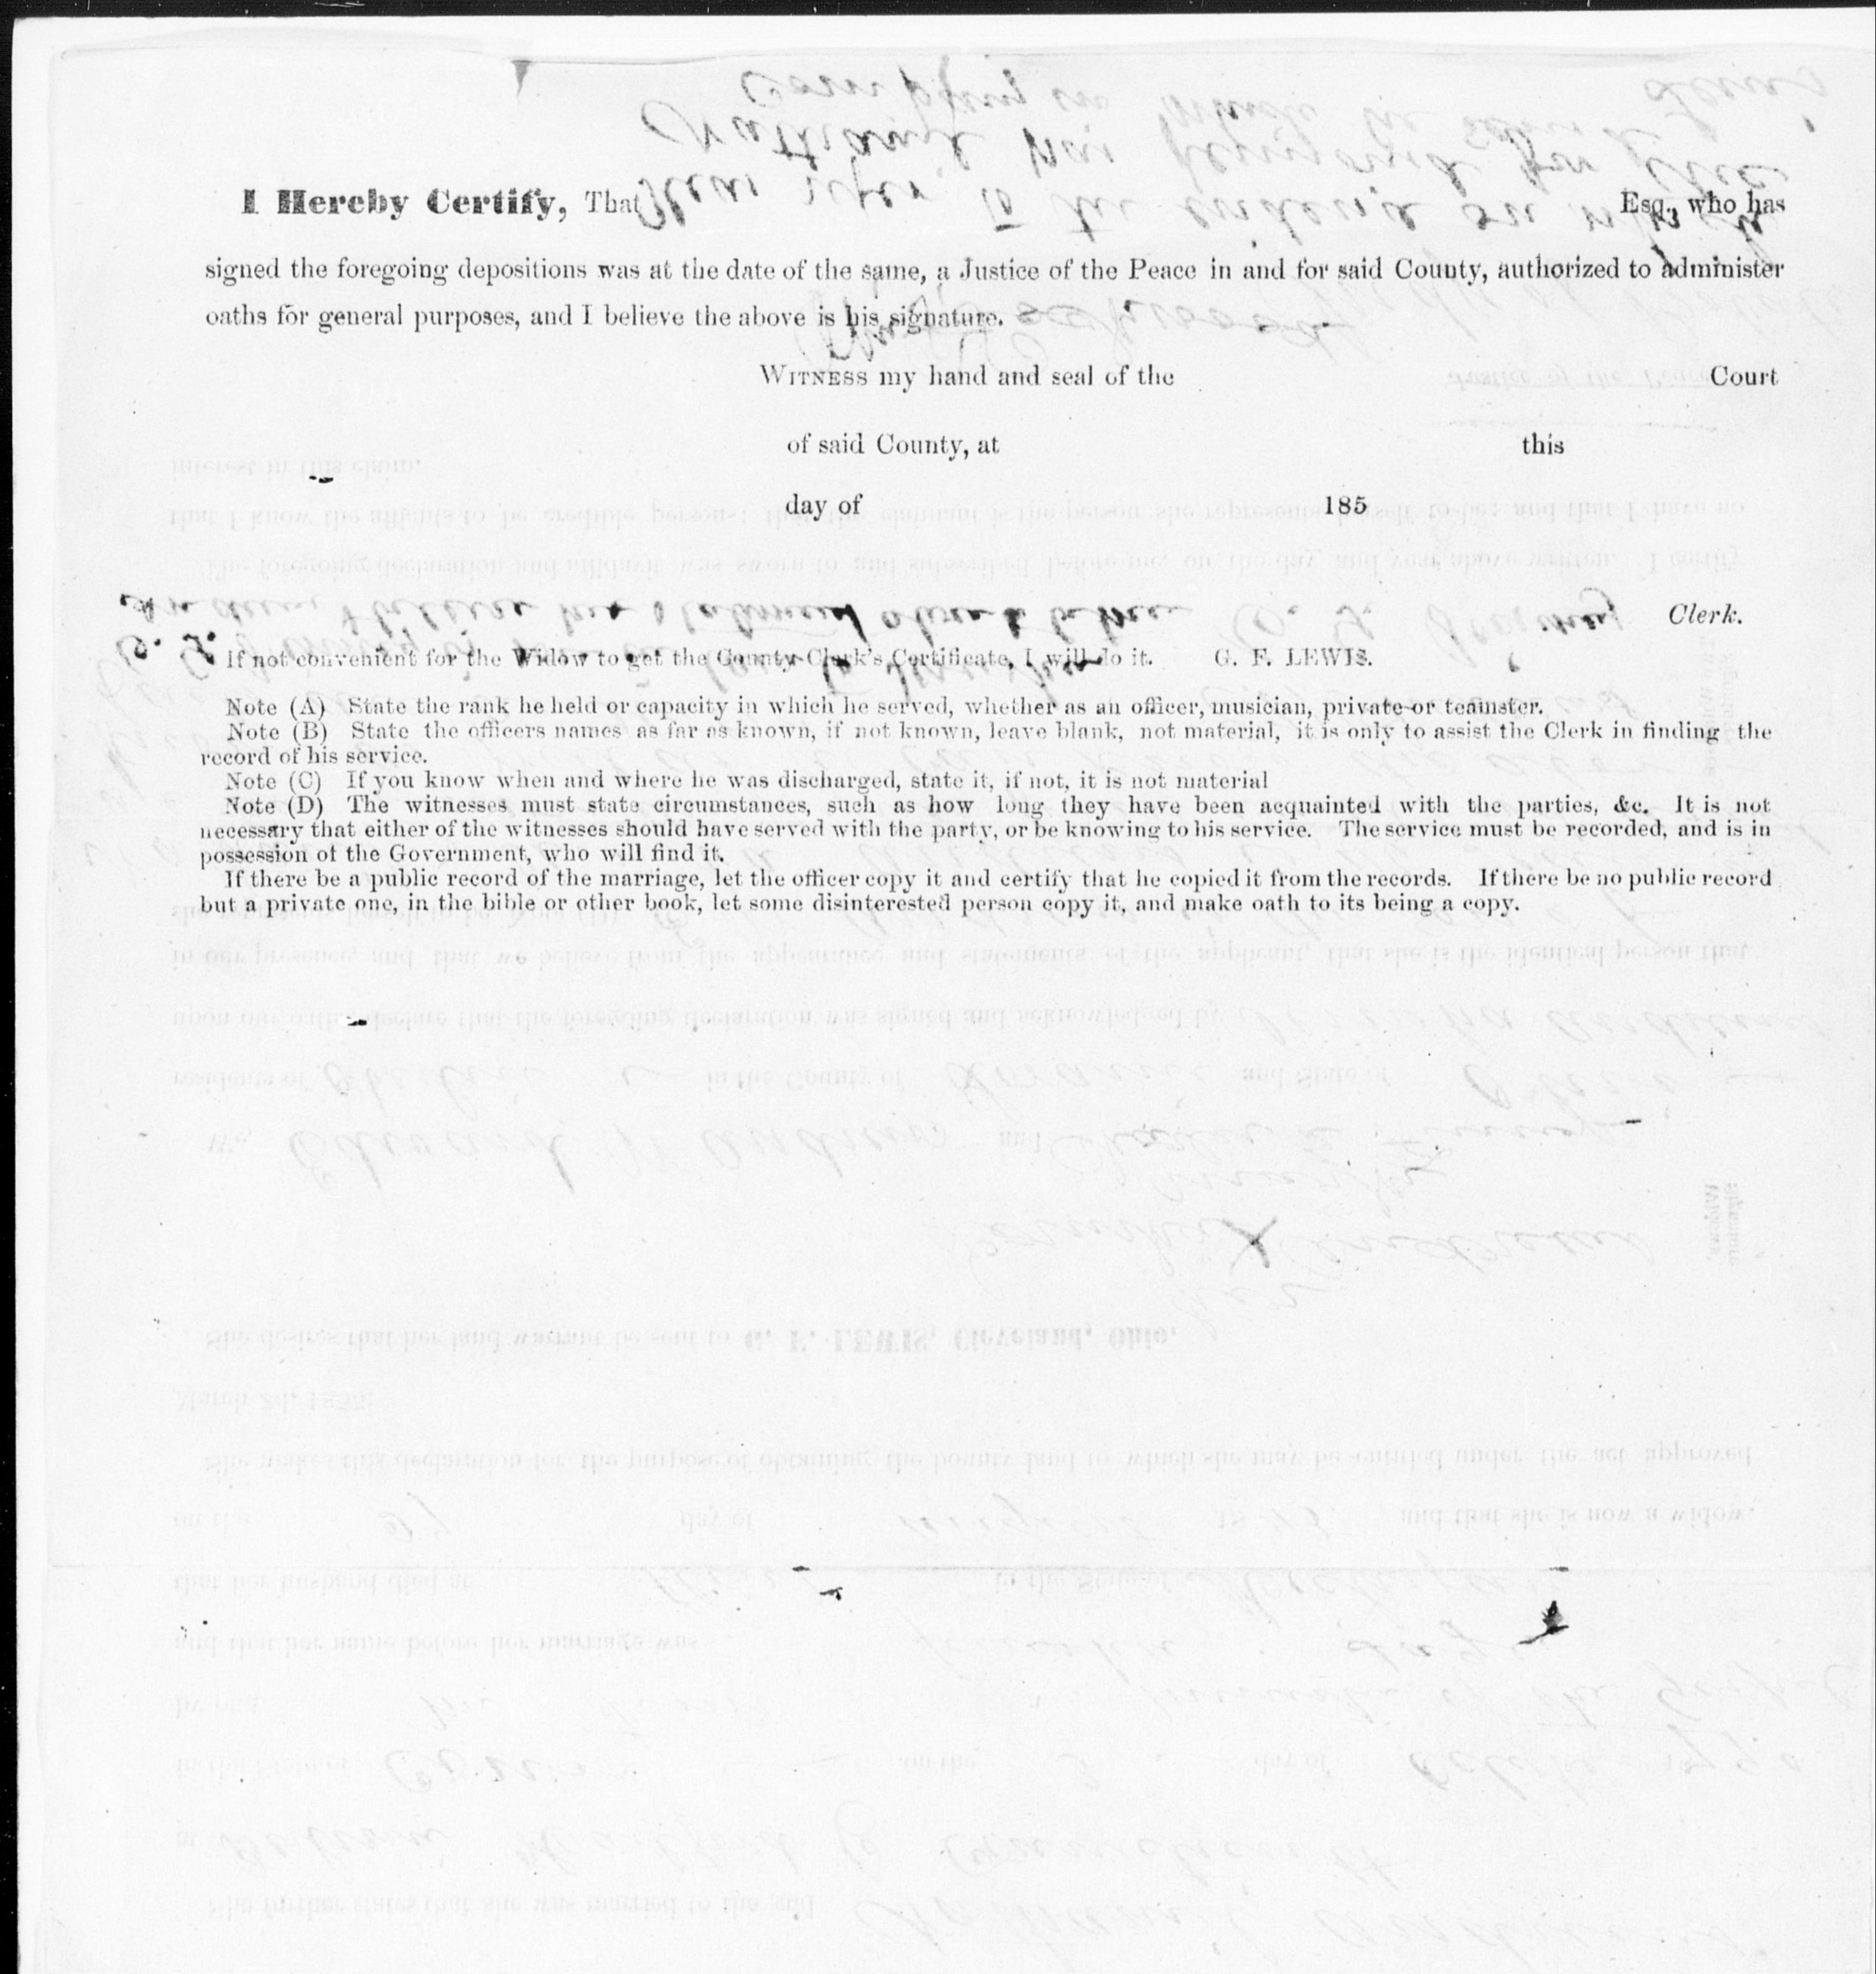I Hereby Certify, That
Esq. Who has
signed the foregoing depositions was at the date of the same, a Justice of the Peace in and for said County, authorized to administer
oaths for general purposes, and I believe the above is his signature.
WITNESS my hand and seal of the Court
of said County, at this
day of 185
if not convenient for the Widow to get the County of Certificate will do it. G. F. LEWIS
Note ( A ) State the rank he held or capacity in which he served, whether as an officer, musician, private or teamster.
Note ( B ) State the officers names as far as known, if not known, leave blank, not material, it is only to assist the Clerk in finding the
record of his service.
Note ( c ) If you know when and where he was discharged, state it, if not, it is not material
Note ( D ) The witnesses must state circumstances, such as how long they have been acquainted with the parties, &c. It is not
necessary that either of the witnesses should have served with the party, or be knowing to his service. The service must be recorded, and is in
possession of the Government, who will find it.
If there be a public record of the marriage, let the officer copy it and certify that he copied it from the records. If there be no public record
but a private one, in the bible or other book, let some disinterested person copy it, and make oath to its being a copy.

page: 16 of 78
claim: widow's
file: W. 4117, Nathaniel Bradley, Conn.